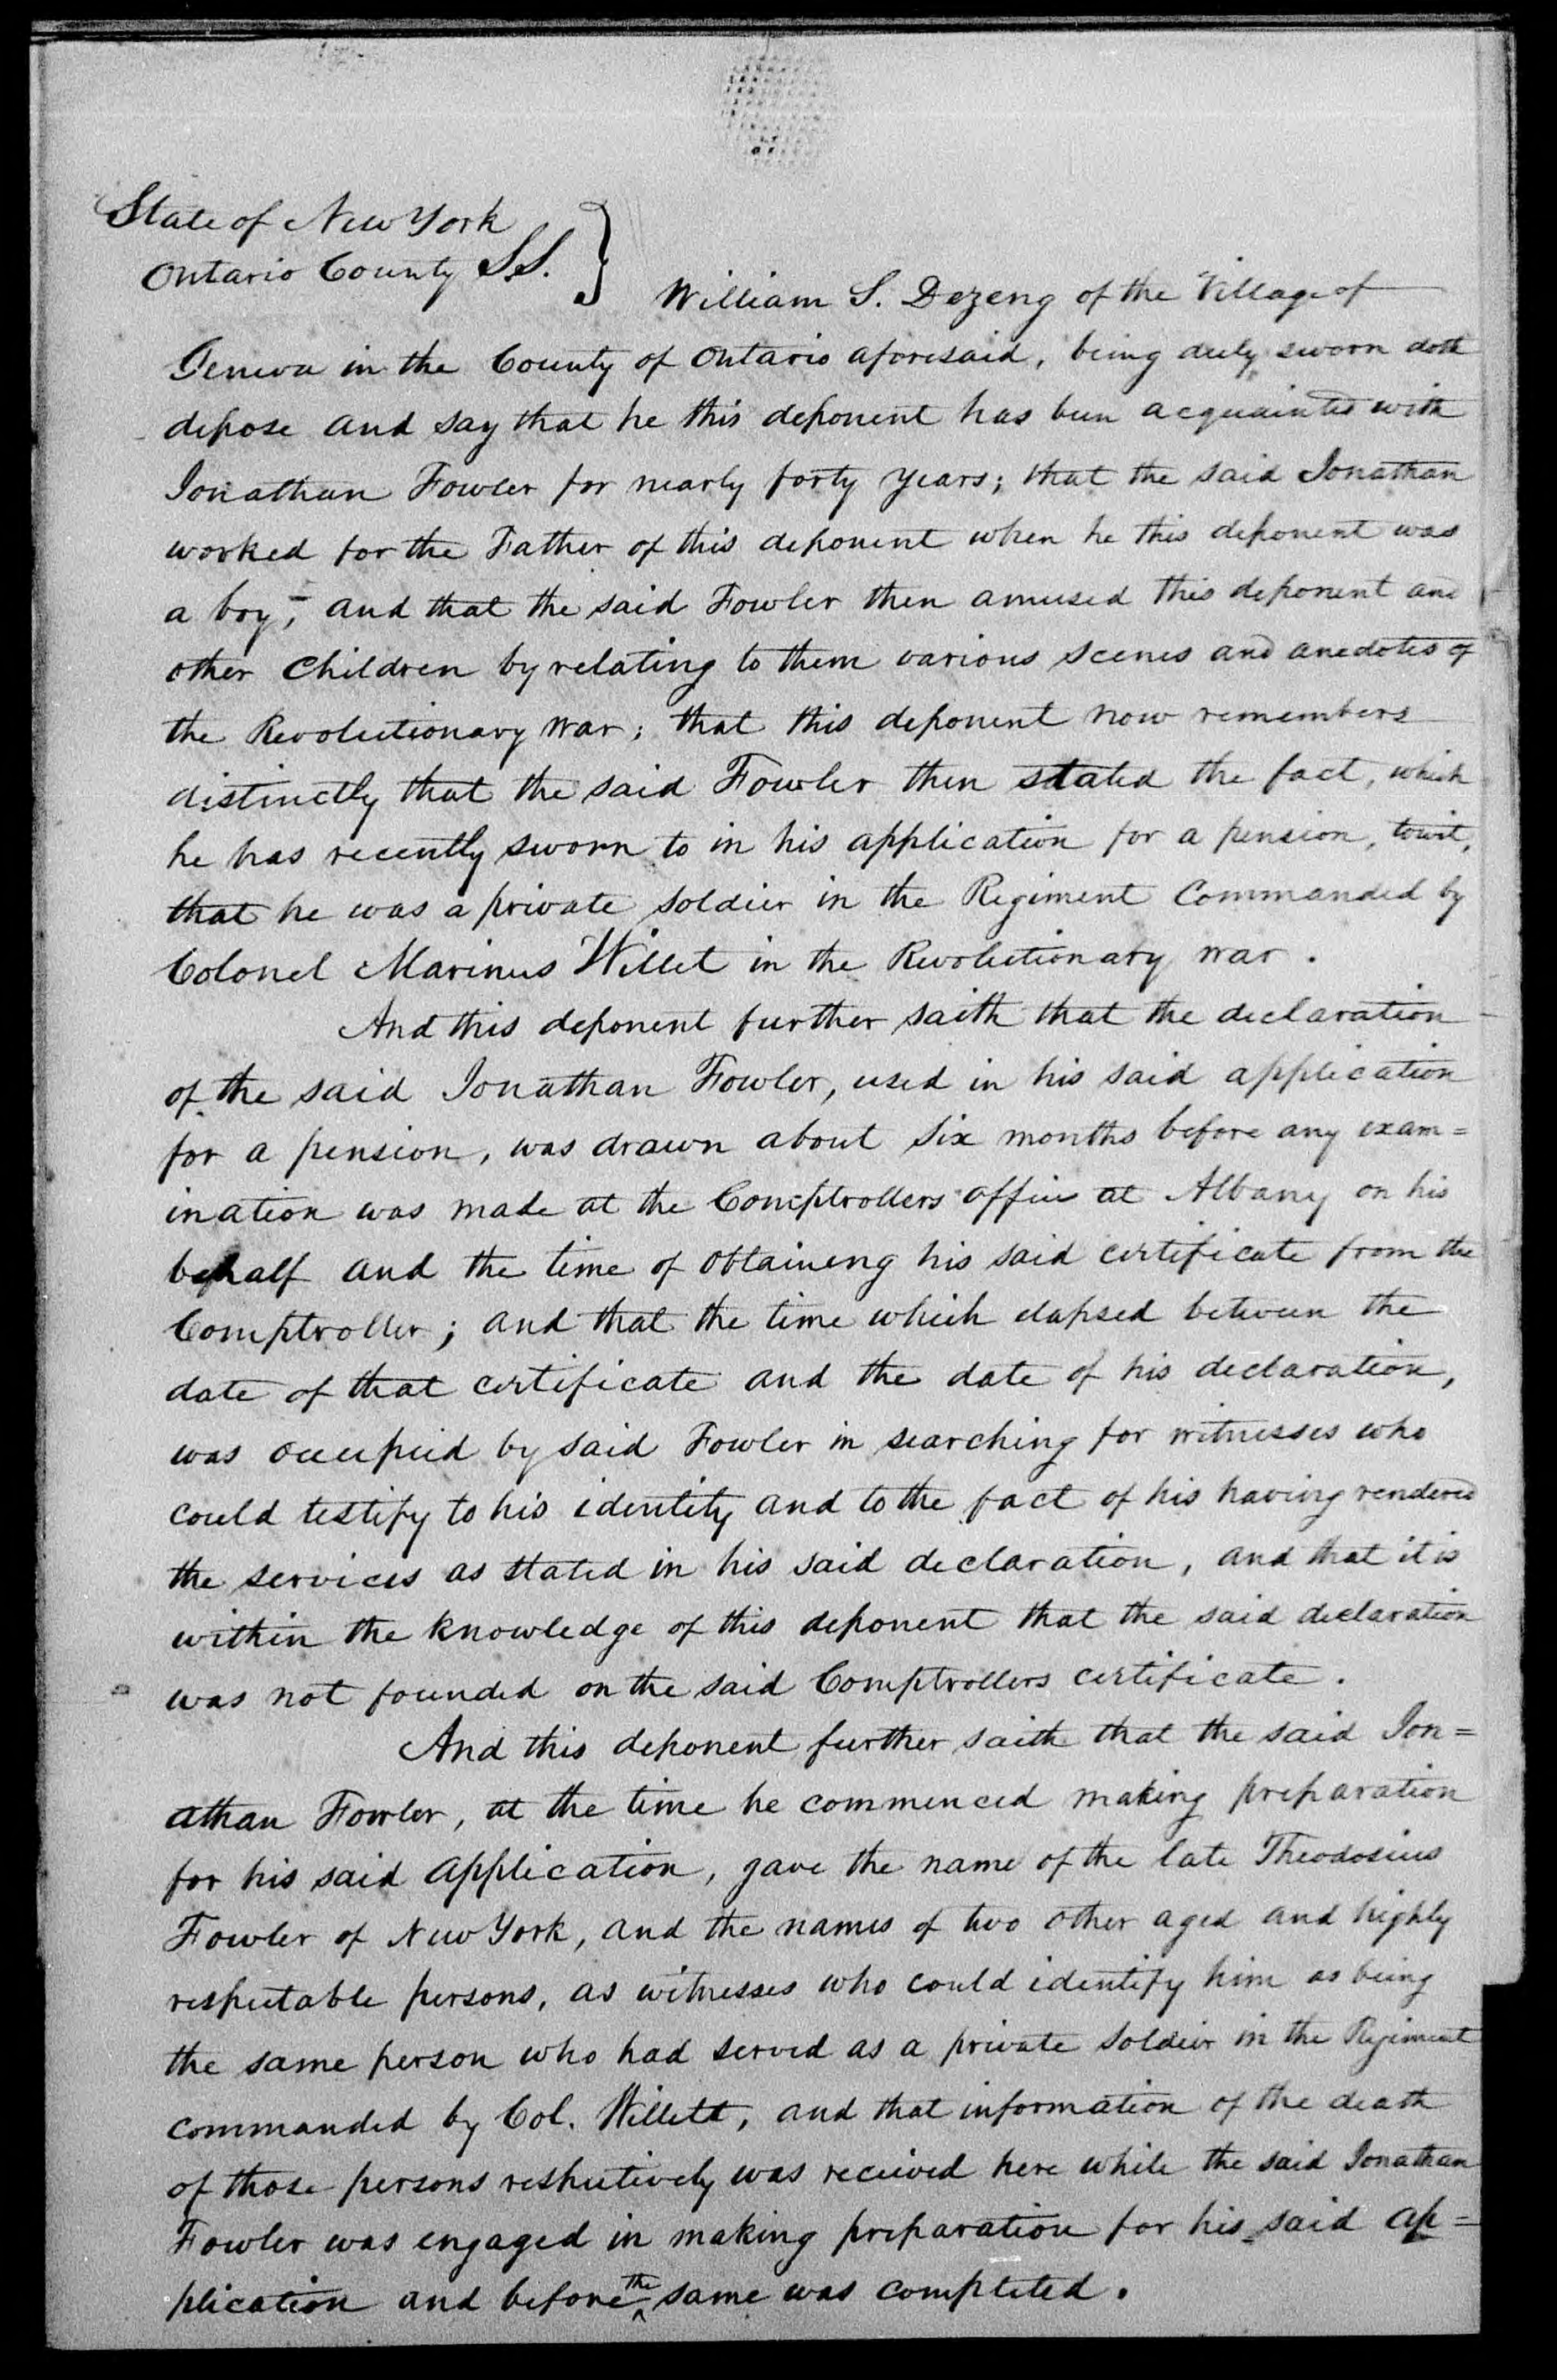State of New York, Ontario County SS.
William S. DeZeng of the Village of Geneva in the county of Ontario aforesaid, being duly sworn doth depose and say that he this deponent has been acquainted with Jonathan Fowler for nearly forty years; that the said Jonathan worked for the father of this deponent when he this deponent was a boy, and that the said Fowler then amused this deponent and other children by relating to them various scenes and anedotes of the Revolutionary War; that this deponent now remembers distinctly that the said Fowler then stated the fact, which he has recently sworn to in his application for a pension, towit, that he was a private soldier in the Regiment commanded by Colonel Marinus Willet in the Revolutionary war.
And this deponent further saith that the declaration of the said Jonathan Fowler, used in his said applicaiton for a pension, was drawn about six months before any examination was made at the Comptrollers office at Albany on his behalf and the time of obtaining his said certificate from the Comptroller; and that the time which lapsed between the date of that certificate and the date of his declaration, was occupied by said Fowler in searching for witnesses who could testify to his identity and to the fact of his having rendered the services as stated in his said declaration, and that it is within the knowledge of this deponent that the said declaration was not founded on the said Comptrollers certificate.
And this deponent further saith that the said Jonathan Fowler, at the time he commenced making preparation for his said application, gave the name of the late Theodosius Fowler of New York, and the names of two other aged and highly respectable persons, as witnesses who could identify him as being the same person who had served as a private soldier in the Regiment commanded by Col. Willett, and that information of the death of those persons respectively was received here while the said Jonathan Fowler was engaged in making preparation for his said applicaiton and before the same was completed.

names: Jonathan Fowler, Marinus Willet, Jonathan Fowler, Theodosius Fowler, Fowler, Willett, Fowler, Jonathan Fowler, Fowler, William S De Zeng, Jonathan, Jonathan Fowler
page: 39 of 44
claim: survivor's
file: S. 23639, Jonathan Fowler, New York